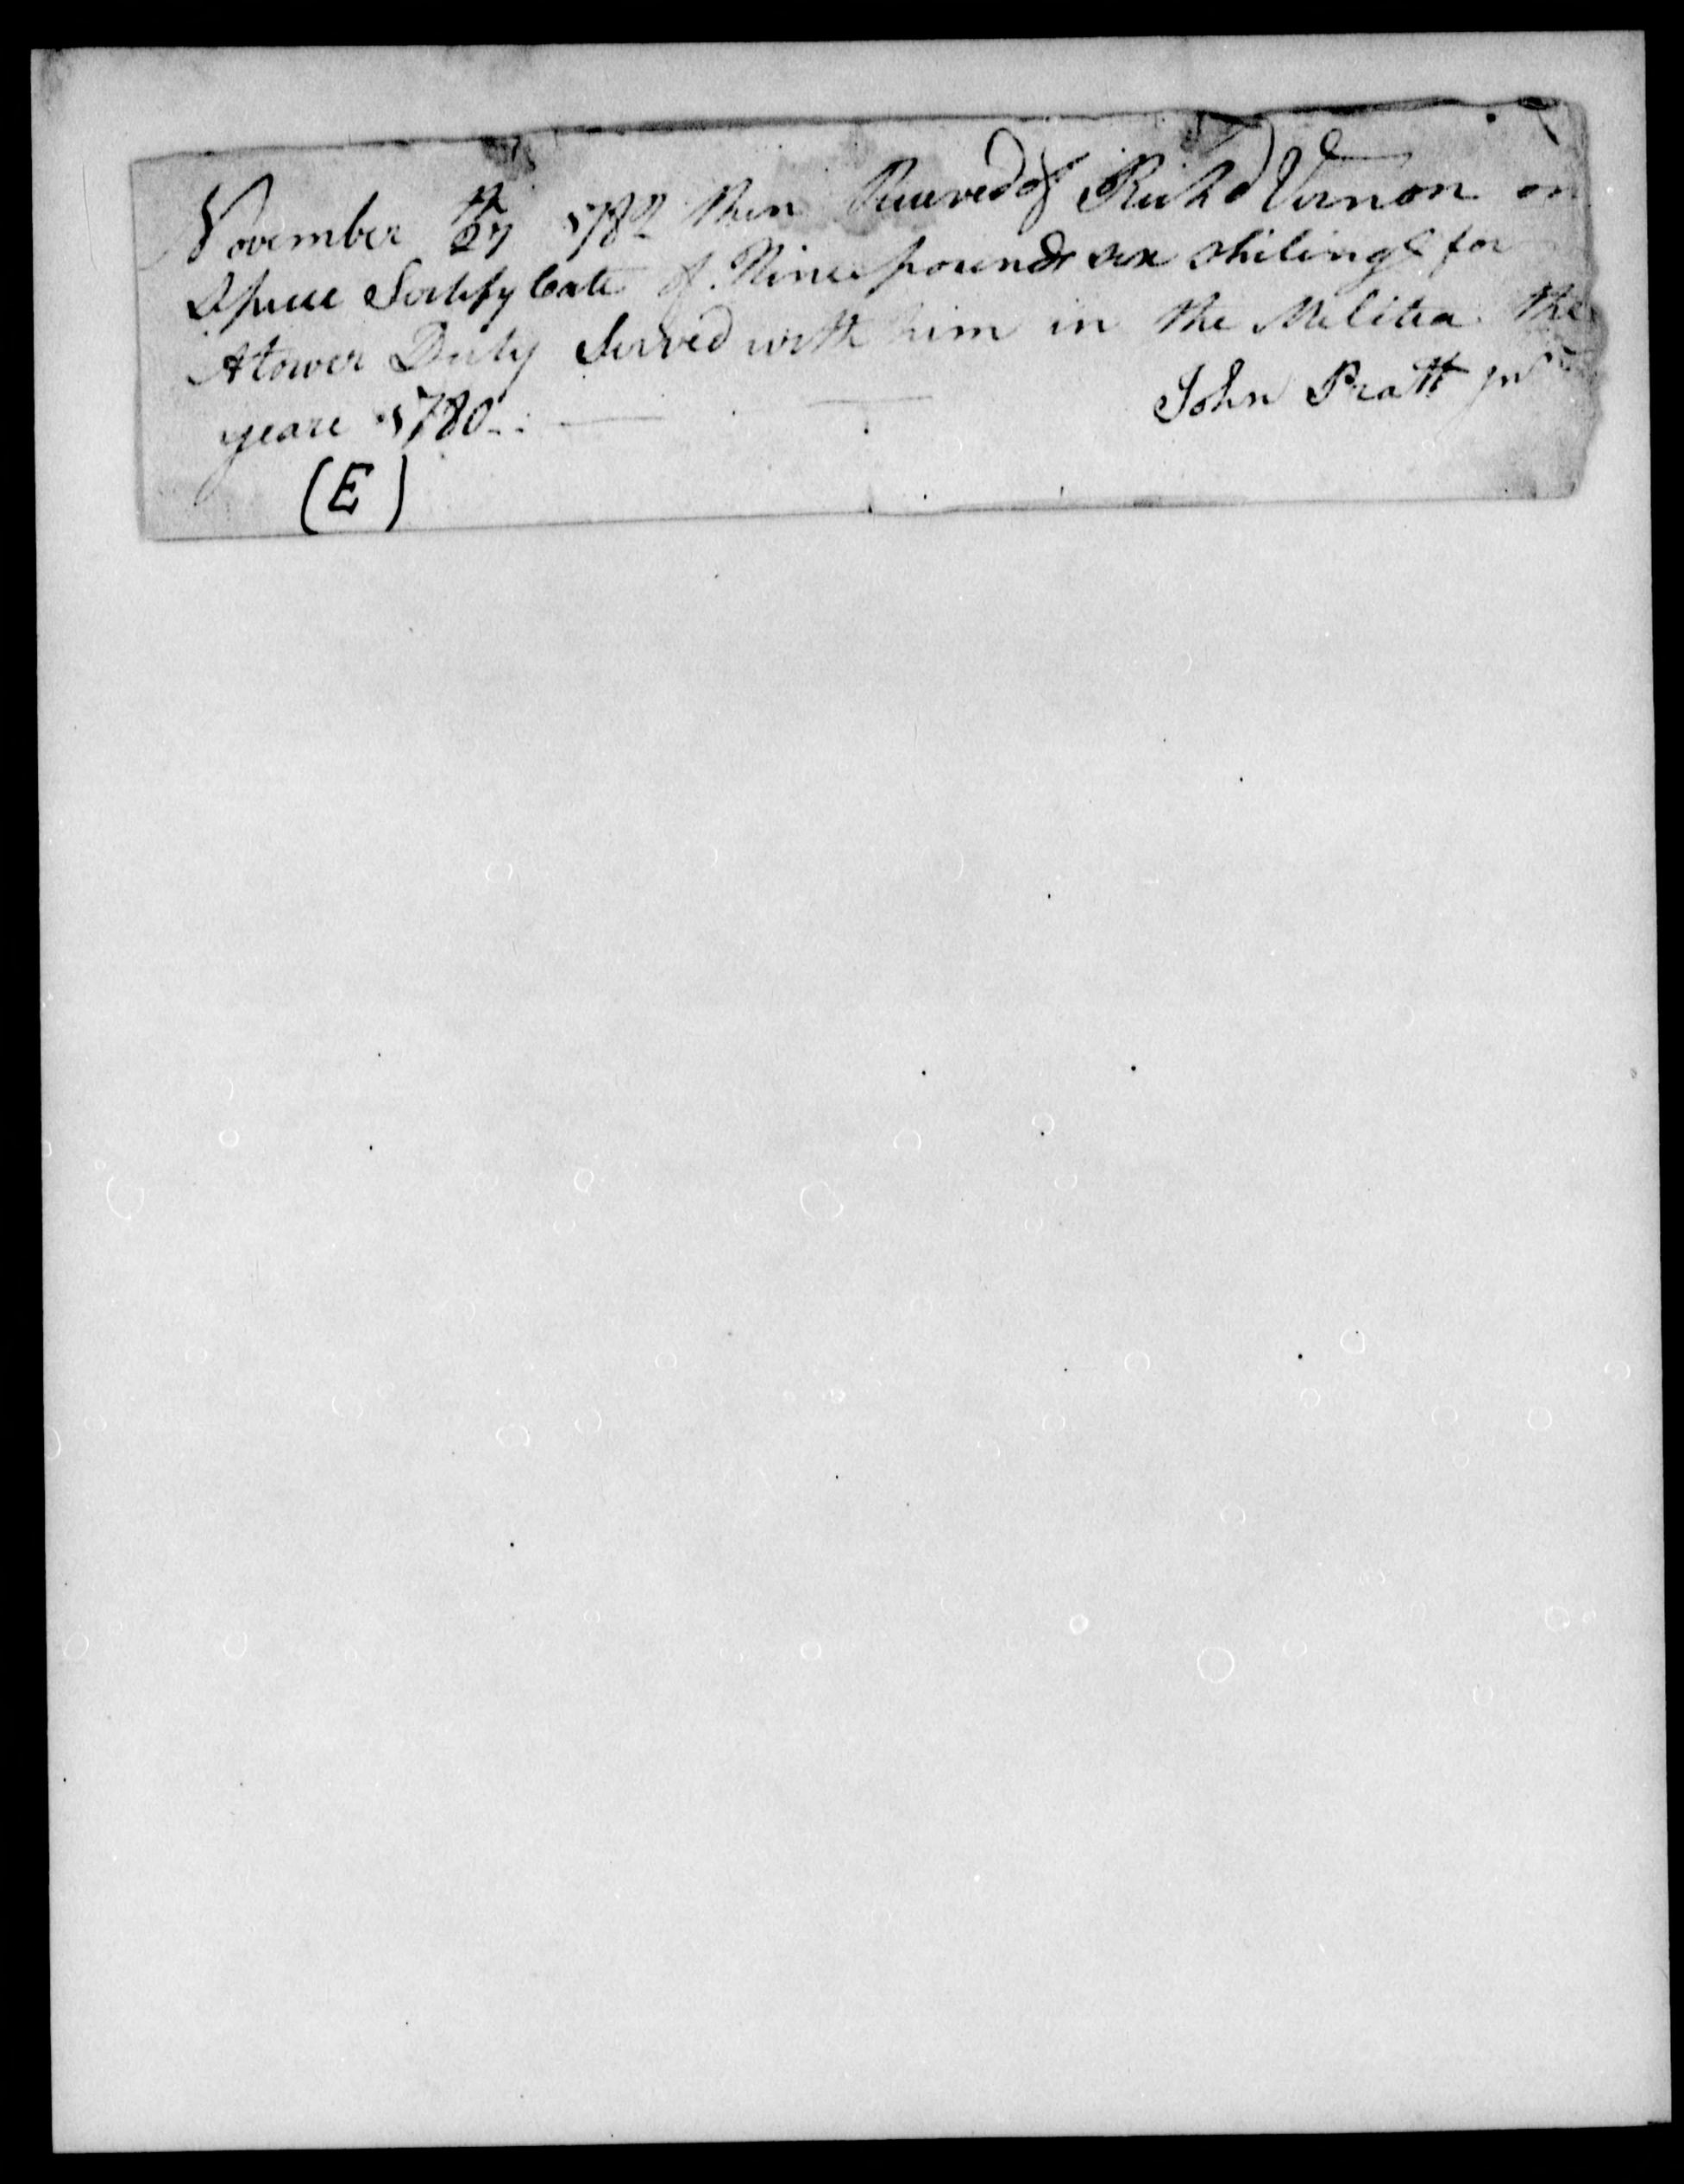November 27th 1782 Then Received of Richd. Vernon on [illegible] of Nine pounds six shillings for a Tour Duty Served with him in the Militia year 1780
John Pratt Jnr
(E)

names: Richd Vernon, John Pratt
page: 19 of 105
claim: survivor's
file: S. 1883, Richard Vernon, N.C.